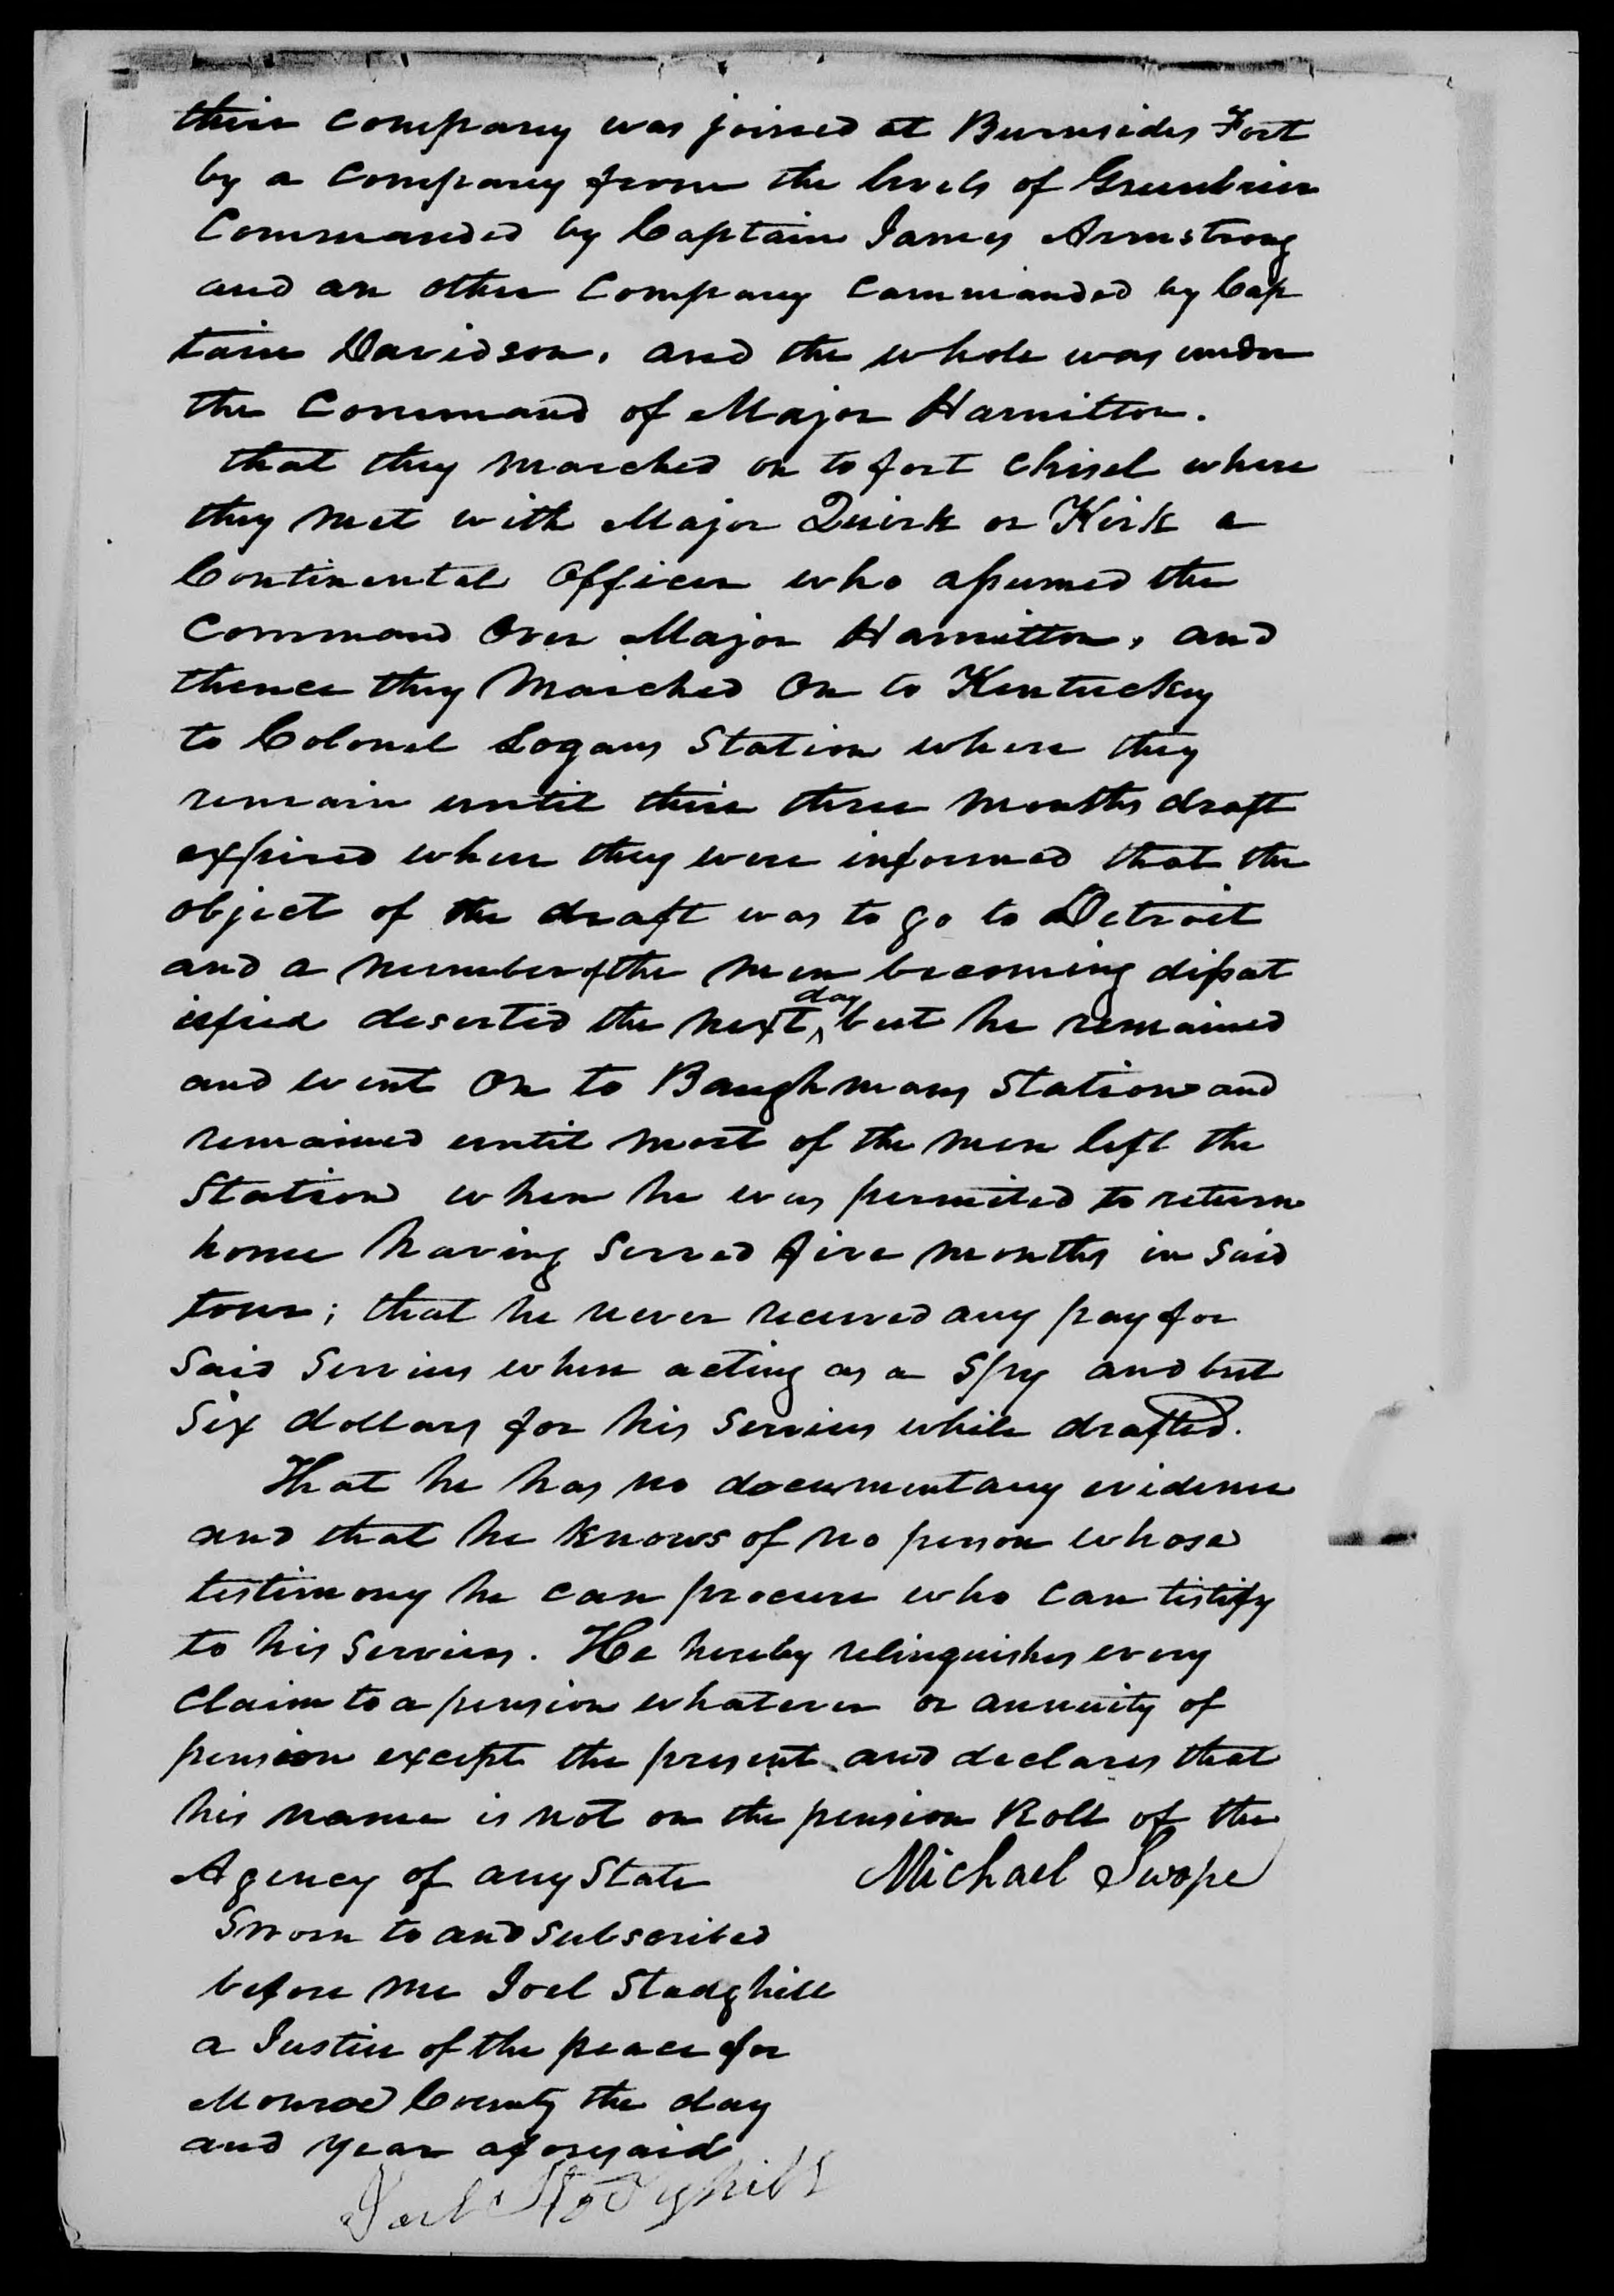their company was joined at Burnsides Fort
by a company from the levels of Greenbrin
Commanded by Captain James Armstrong
and an other company commanded by Capt
tain Davidson, and the whole was under the
command of Major Hamilton
that they marched on to fort Chisel where
they met with Major Quirk or Kirk
Continental officer who assumed the
command over Major Hamilton, and
thence they marched on to Kentucky
to Colonel Logan Station where they
remain until their three months draft
expired when they were informed that the
object of the draft was to go to Detroit
and a number of the men becoming dissatisfied
deserted the next day but he remained
and went on to Baughman station and
remained until most of the men left the
Station when he was permitted to return
home having served five months in said
tour; that he never received any pay for
said services when acting as a spy and but
six dollars for his services while drafted

That he has no documentary evidence
and that he knows of no person whose
testimony he can procure who can testify
to his services. He hereby relinquishes every
claim to a pension whatever or annuity of
pension except the present and declares that
his name is not on the pension Roll of the
Agency of any State
Michael Swope [signature]

Sworn to and subscribed
before me Joel Stodghill
a Justice of the peace for
Monroe County the day
and year aforesaid
Joel Stodghill [signature]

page: 6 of 16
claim: rejected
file: R 10366, for Michael Swope, Virginia